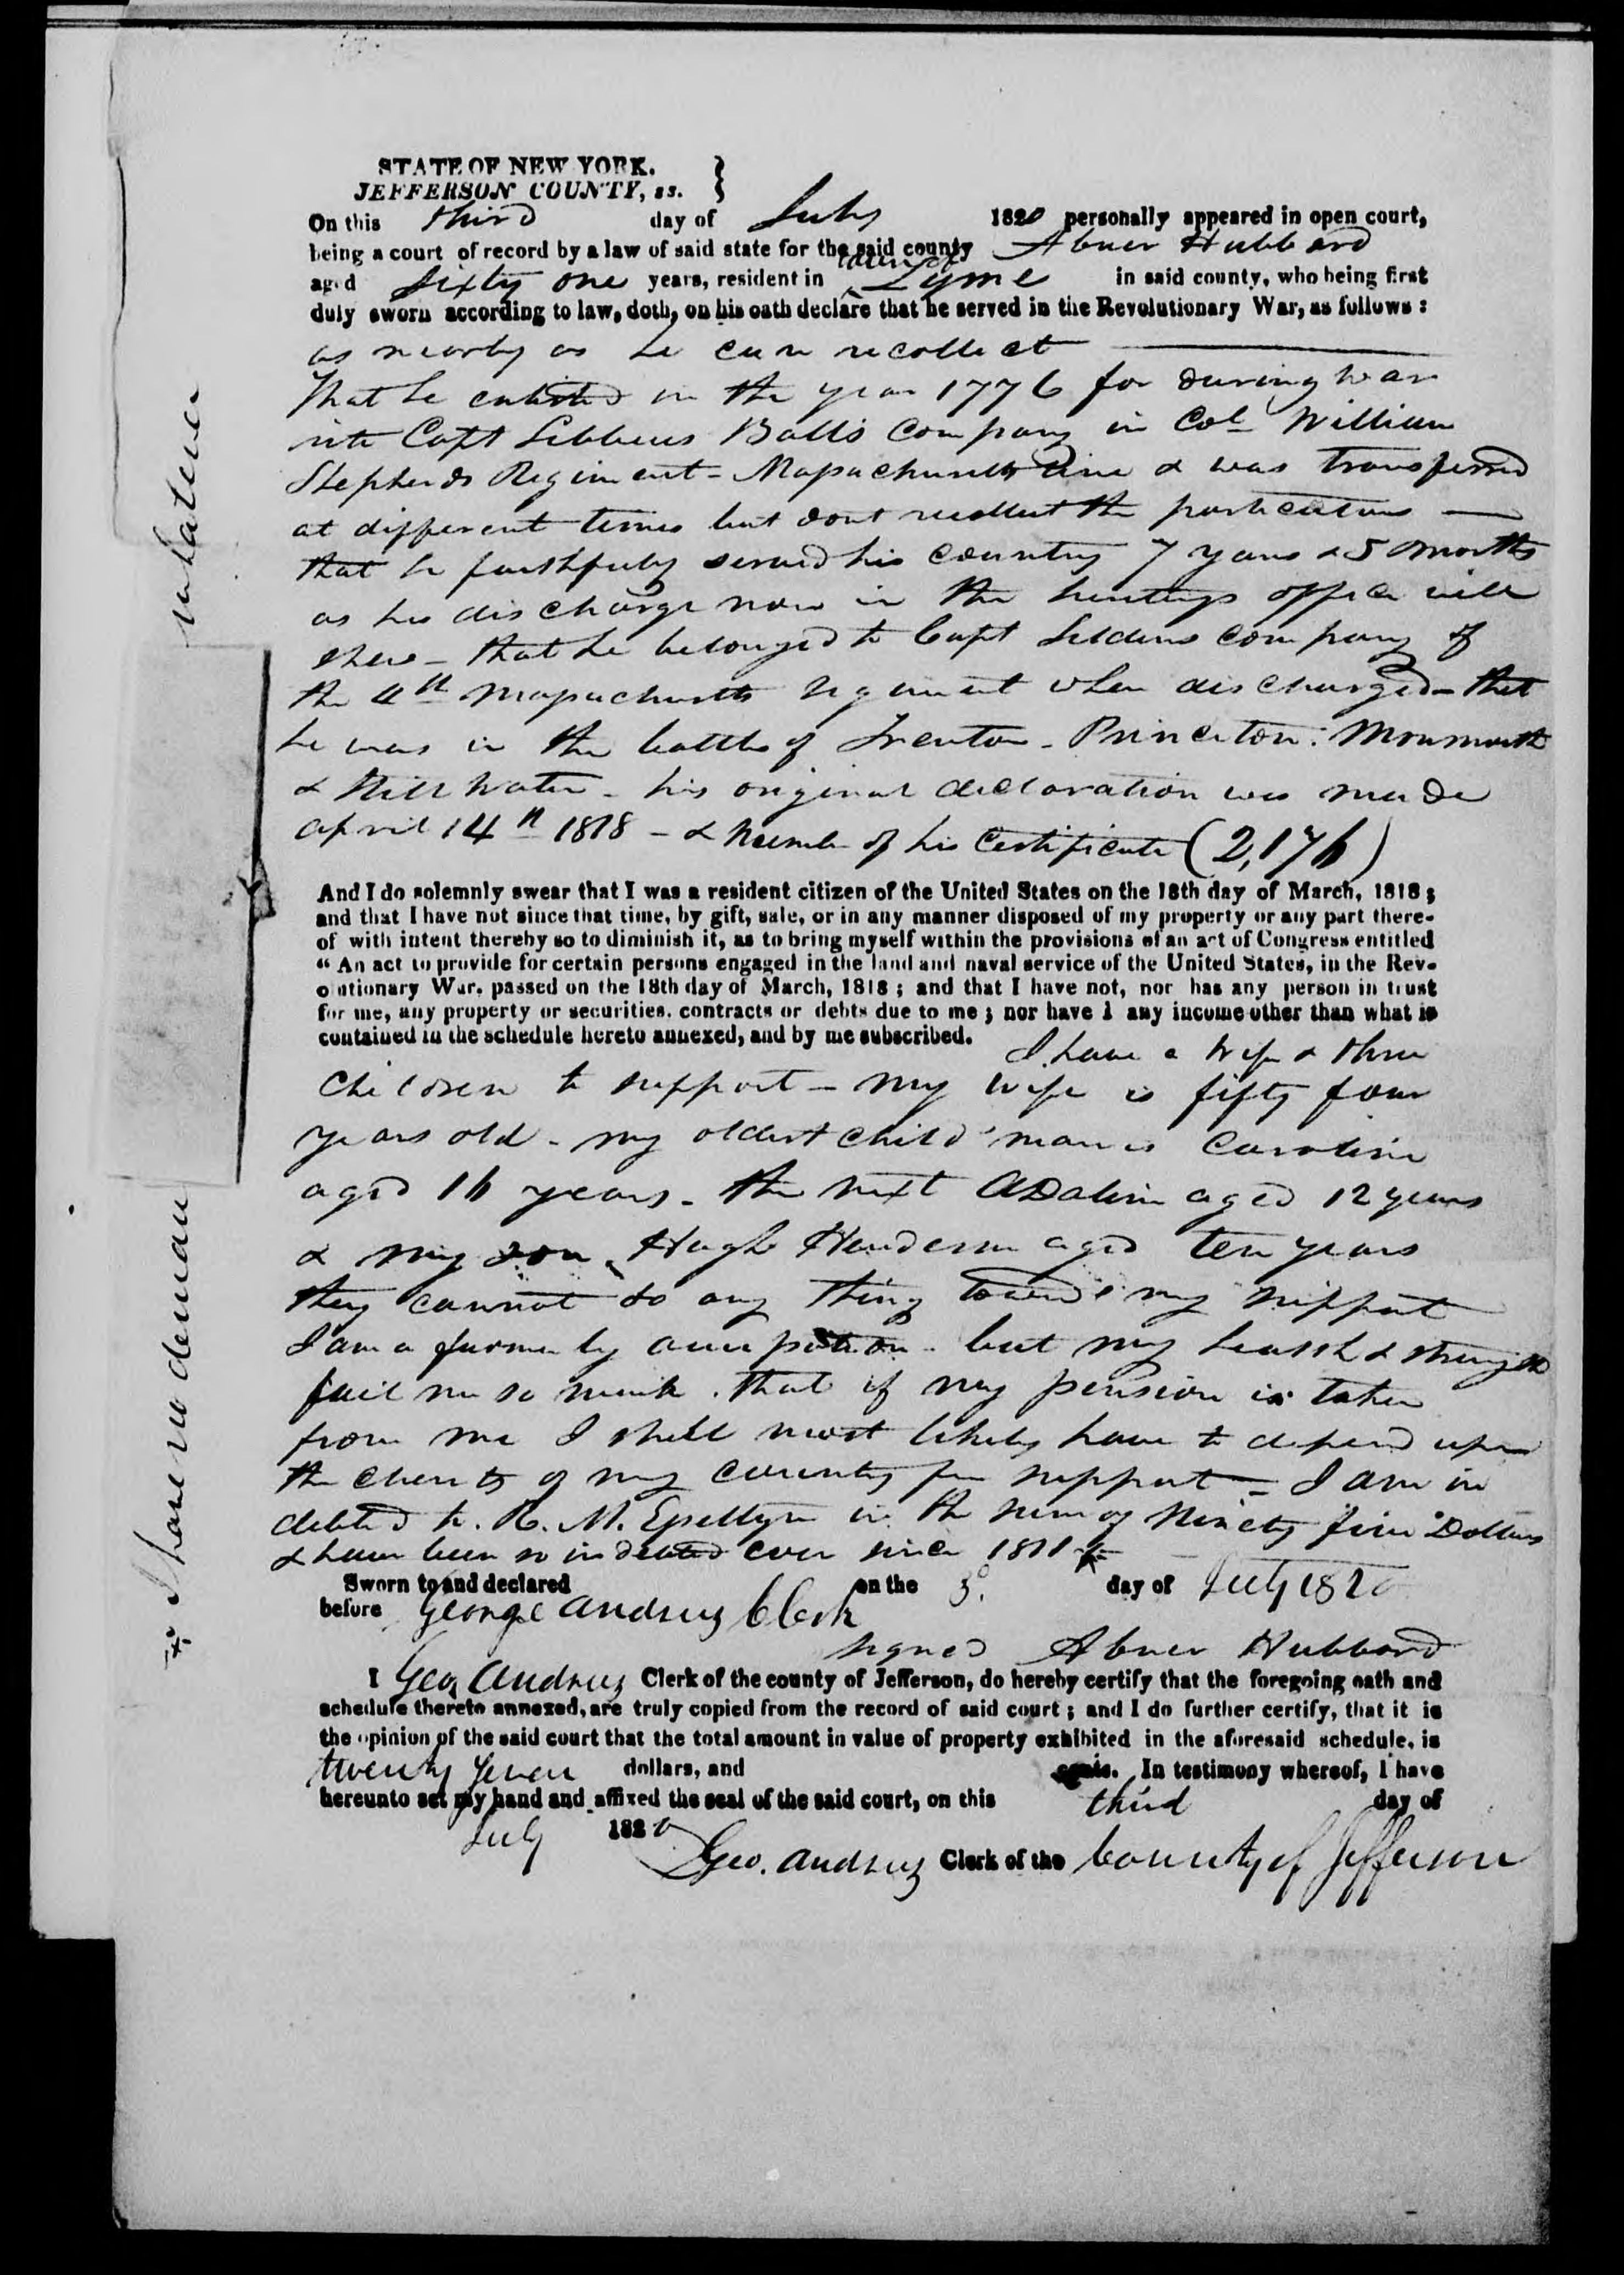State of New York, 
Jefferson County, [illegible]
On this third day of July 1880 personally appeared in open court, being a court of record by a law of said state for the said county Abner Hubbard aged sixty one years, resident in [county of] Lyme in said county, who being first dualy sworn according to law, doth, on his oath declare that he served in the Revolutionary War, as follows:

as nearly as he can recollect 
That he enlisted in the year 1776 for during he was wth Capt Lebbius Ball's company in Colonial William Sheppard's Regiment - Massachusets and was transferred at different times but don't recollect the [illegible] - that he faithfully served his country 7 years & 5 months as his discharge now in the [illegible] office will show that he belonged to Capt Lebbius Company of the 6th Massachusetts Regiment when discharged - that he was in the Battle of Trenton - Princeton: Monmouth & Stillwater - his original declaration was made on April 14, 1818 & number of his certficate (2,176)

And I do solemly swear that I was a resident citizen of the United States on the 18th day of March 1818; and that I hav not since that time by gift, sale, or any manner  disposed of my property or any part there of with intent thereby so to diminish it, as to bring myself within the provisions of an act of Congress entitled "An act to provide for certain persons engaged in the land and naval services of the United States, in the Revolutionary War passed on the 18th day of March, 1818; and that I hav not, nor has any person in trust for me, any property or securities contracts or debts due to me; nor have i have any income other than what is contained in the schedule hereto annexed, and by me subscribed . I have a wife & three children to support - my wife is fifty four years old - my oldest child's name is Caroline [maybe carolina] aged 16 years - the next Adeline aged 12 years & my son, Hugh Henderson aged ten years they cannot do any thing toward my support I am a furrier by occupation but my health & [illegible word] fail me so much that if my pension is taken from me I shall most likely have to depend upon the charity of my country for support - I am in debt to M. N. Epellyn in the sum of Ninety five Dollars & have been in his debt ever since 1811
signed Abner Hubbard

I George Andrey Clerk of the county of Jefferson, do hereby certify that the foregoing oath and schedule thereto annexed, are truly copied from the record of said court; and I do further certify, that it is the opinion of said court that the total amount in value of property exhibited in the aforesaid schedule, is the opinion of the said court that the total amount in value of property exhibited in the aforesaid schedule, is twenty seven dollars, and [illegible] In testimony whereof I have hereunto set my hand and affixed the seal of said court on this third day of July 1880.
George Andrey Clerk of the County of Jefferson 1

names: A Dakin, George Andrus, Hugh Henderson, R M Esseltyn, Caroline, Abner Hubbard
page: 5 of 38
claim: widow's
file: W. 23,381, Abner Hubbard, Continental Mass.